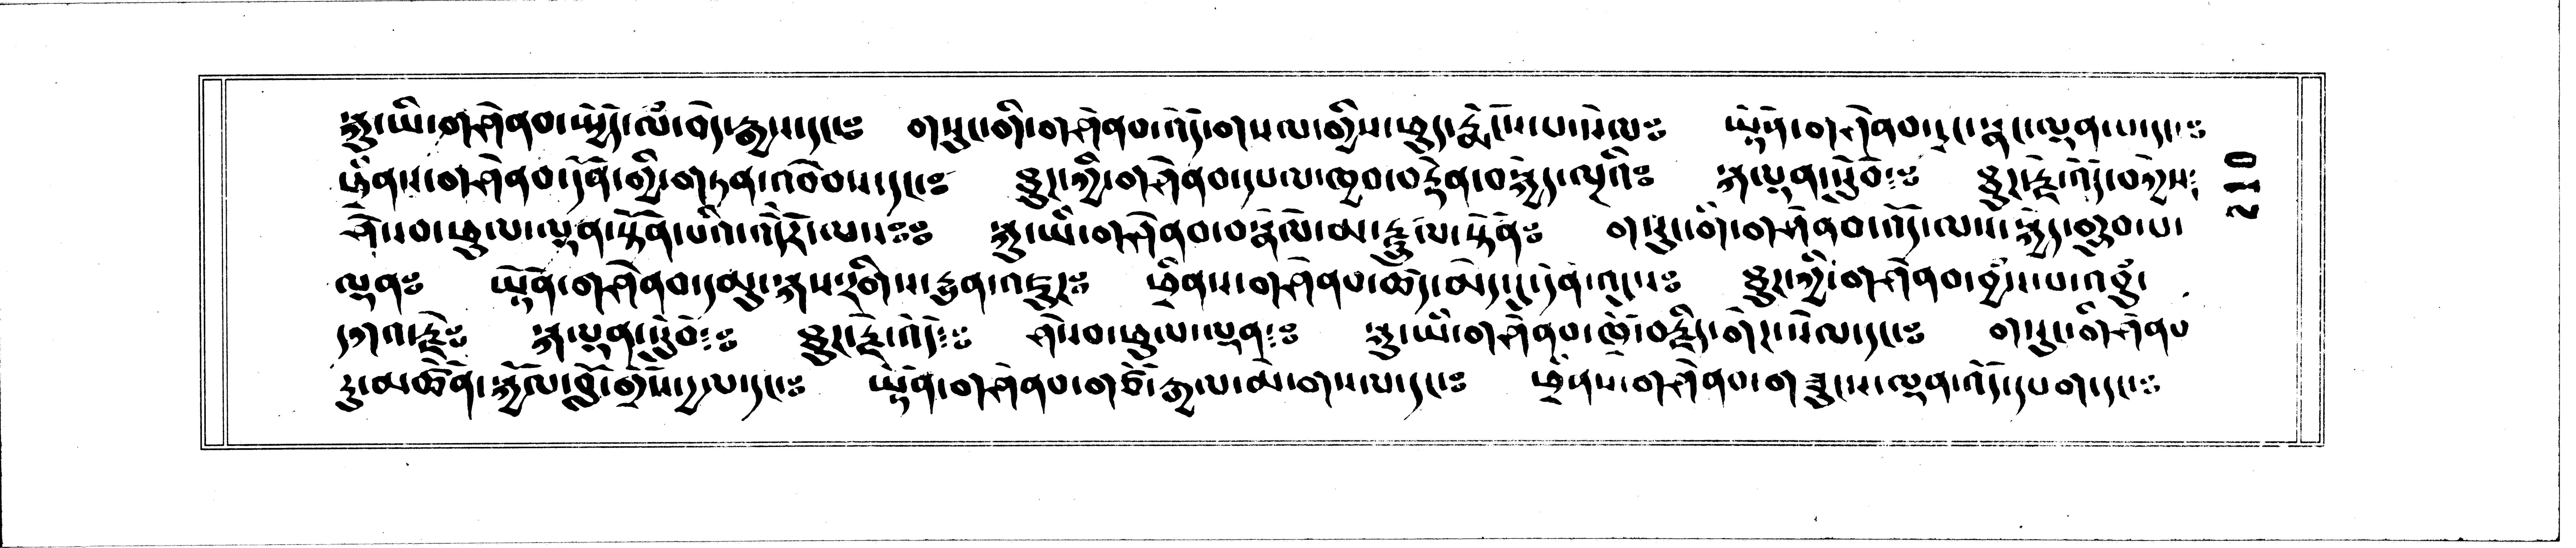སྐུ་ཡི་གཤེན་རབ་སྤྱོད་ལམ་བདེ་རྒྱས་དངཿ གསུང་གི་གཤེན་རབ་འོད་གསལ་གྱི་ཕུད་རྨོངས་པ་སེལཿ ཡོན་ཏན་གཤེན་རབ་དྲང་སྣང་ལྡན་པ་དངཿ
ཕྲིན་ལས་ཀྱི་གཤེན་རབ་དོན་བདེན་གཏན་འབེབས་དངཿ ཐུགས་ཀྱི་གཤེན་རབ་དཔལ་ཁྱབ་རྟེན་བསྐྱེད་ལྔའིཿ སྐལ་ལྡན་སློབ་ ཐུགས་རྗེ་འོད་བཀྱེས་འགྲོ་ 
ཤེས་རབ་ཕུལ་ལྡན་སྟོན་པའི་འོད་ཟེར་ལསཿ སྐུ་ཡི་གཤེན་རབ་བསྣོལ་མ་རྫུ་འཕྲུལ་སྟོནཿ གསུང་གི་གཤེན་རབ་འོད་སྐྱེད་གྲུབ་
ལྡནཿ ཡོན་ཏན་གཤེན་རབ་དམུ་སྐས་རིགས་རྒྱུན་འཛུགསཿ ཕྲིན་ལས་གཤེན་རབ་ཚད་མེད་དོན་འདུས་དངཿ ཐུགས་ཀྱི་གཤེན་རབ་བྱམས་པའི་འབུམ་
དཀར་རྗེཿ སྐལ་ལྡན་སློབ་ ཐུགས་རྗེ་འོད་ ཤེས་རབ་ཕུལ་ལྡན་ སྐུ་ཡི་གཤེན་རབཿ ཁྲོ་བརྗིད་གེགས་སེལ་དངཿ གསུང་གི་གཤེན་རབཿ 
རུ་མཚོན་སྐྱོལ་བློ་གྲོས་རྒྱལ་དངཿ ཡོན་ཏན་གཤེན་རབ་གཙོ་རྒྱལ་མེ་གསལ་དངཿ ཕྲིན་ལས་གཤེན་རབ་གཟུངས་ལྡན་འོད་དཔག་དངཿ